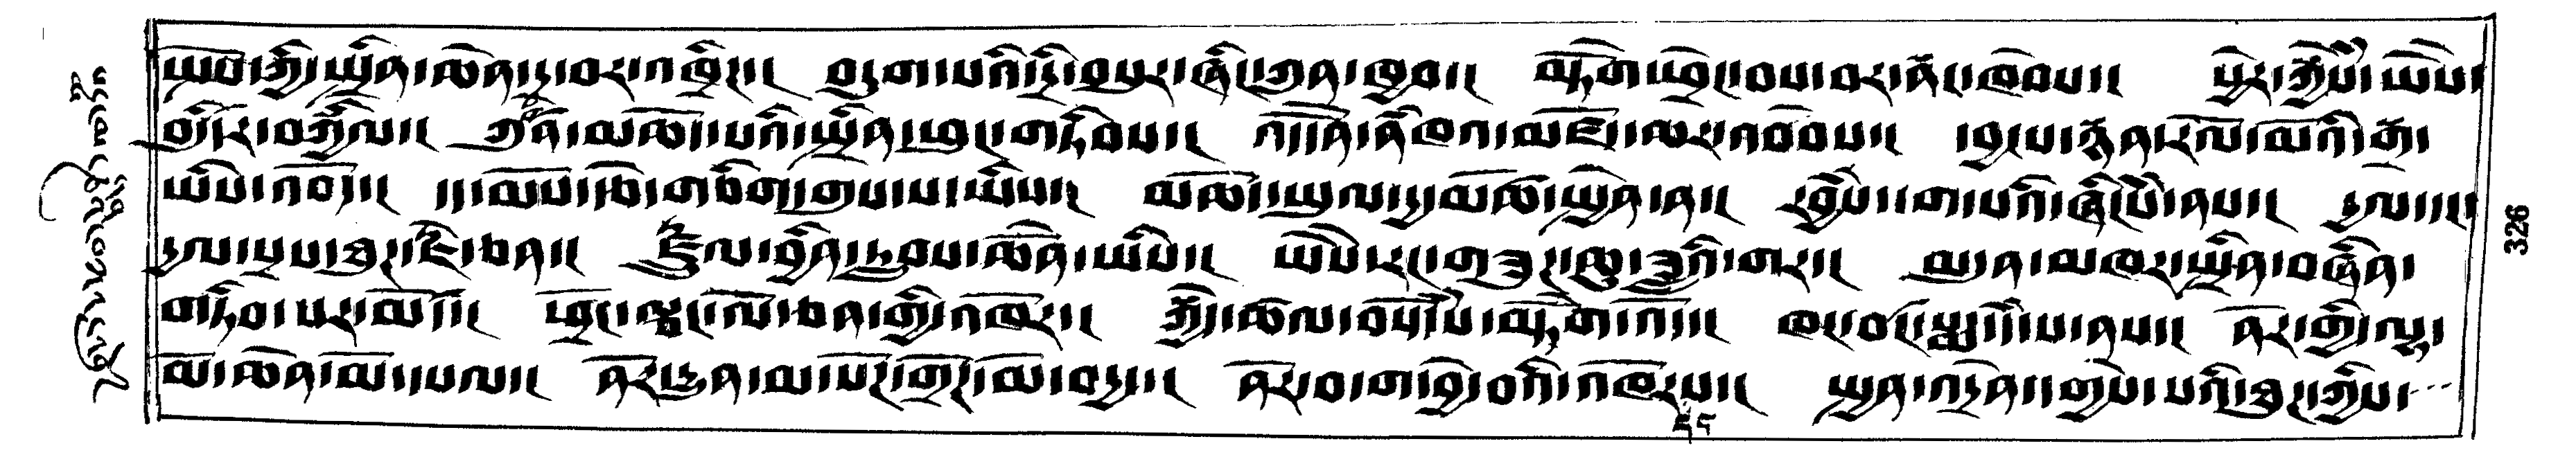།སྤོས་ཀྱི་སྤྲིན་ཆེན་ཏྲཝ་བར་འཁྲིགས། །བདུག་པའི་དྲི་བསུང་ཞིང་ཀུན་ཁྱབ། །མེ་ཏོག་ཕྲེང་བས་བར་སྣང་ཁེབས། །གསེར་སྐྱེམས་ཡེ་ཤེས་
བདུད་རྩིར་བསྐྱིལ། །ཀུན་བཟང་མཆོད་པའི་སྤྲིན་ཕུང་གཏིབས། །འདོད་ཡོན་ནམ་མཁའ་མཛོད་ཆར་འབེབས། །དབྱངས་སྙན་རོལ་མོའི་སྒྲ་
ཡིས་འབོད། །དད་མོས་རྩེ་གཅིག་གུས་པ་ཡིས། །མཆོད་ཡུལ་རྒྱ་མཚོ་སྤྱན་འདྲེན་ན། །རབ་འབྱམས་དག་པའི་ཞིང་ཁམས་ནས། །རྒྱལ་དང་
རྒྱལ་སྲས་ཐུགས་རྗེ་ཅན། །རྫུ་འཕྲུལ་བྱིན་རླབས་ཆེན་པོ་ཡིས། །ཡེ་ཤེས་རང་གཟུགས་ཆུ་ཟླའི་གར། །མདུན་མཁར་སྤྲིན་བཞིན་
གཏིབ་པར་མཛོད། །ཕོ་བྲང་ལྕང་ལོ་ཅན་གྱི་འཁོར། །སྐྱེད་ཚལ་བསོད་ནམས་མེ་ཏོག་འོད། །ཁང་བཟང་པདྨ་དམ་པ་ནས། །ནོར་གྱི་ལྷ་
མོ་ཆེན་མོ་དཔལ། །ནོར་རྒྱུན་མ་སོགས་གྲོགས་མོ་བརྒྱད། །ནོར་བདག་བྱེ་བའི་འཁོར་དང་བཅས། །སྤྱན་འདྲེན་དགྱེས་པའི་ཐུགས་ཀྱིས་